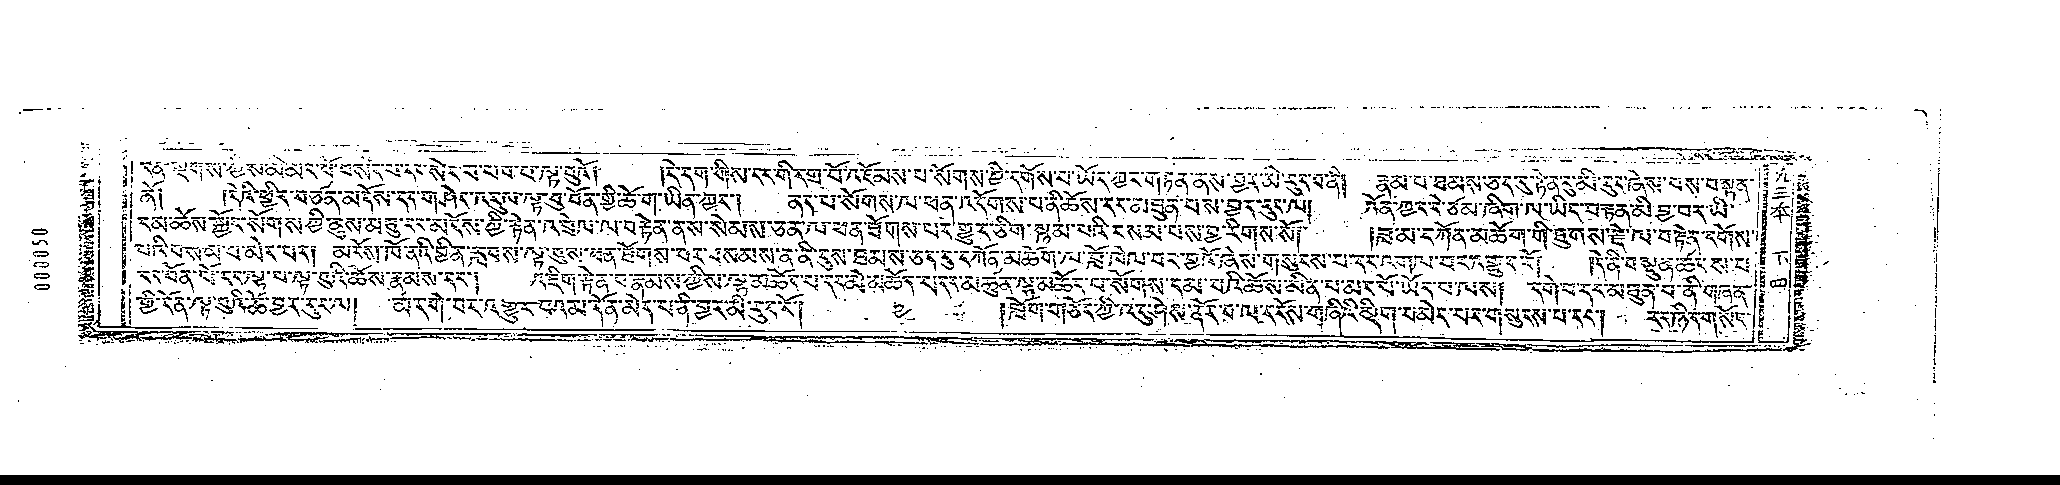ངན་སྔགས་ཀྱིས་མི་མང་པོ་བསད་པ་དང་སད་བ་ཕབ་པ་ལྟ་བུའོ། །དེ་དག་གིས་རང་གི་དགྲ་བོ་འཇོམས་པ་སོགས་ཀྱི་དགོས་པ་ཡོད་ཀྱང་གཏན་ནས་བྱར་མི་རུང་བ་ནི། རྣམ་པ་ཐམས་ཅད་དུ་རྟེན་དུ་མི་རུང་ཞེས་པས་བསྟན་
ནོ༑ །དེའི་ཕྱིར་བ་ཙན་མདོས་དང་གཤེད་འདུལ་ལྟ་བུ་བོན་གྱི་ཆོ་ག་ཡིན་ཀྱང་། ནད་པ་སོགས་ལ་ཕན་འདོགས་པ་ནི་ཆོས་དང་མཐུན་བས་བྱར་རུང་ལ། འོན་ཀྱང་དེ་ཙམ་ཞིག་ལ་ཡིད་བརྟན་མི་བྱ་བར་ཡི་
དམ་ཆོས་སྐྱོང་སོགས་ཀྱི་ནུས་མཐུ་དང་མོངས་ཀྱི་རྟེན་འབྲེལ་ལ་བརྟེན་ནས་སེམས་ཅན་ལ་ཕན་ཐོགས་པར་གྱུར་ཅིག་སྙམ་པའི་བསམ་པས་བྱ་རིགས་སོ། །བླ་མ་དཀོན་མཆོག་གི་ཐུགས་རྗེ་ལ་བརྟེན་དགོས་
པའི་བསམ་པ་མེད་པར། མདོས་ཁོ་ནའི་བྱིན་རླབས་ལྟ་བུས་ཕན་ཐོགས་པར་བསམས་ན་ནི་རུས་ཐམས་ཅད་དུ་དཀོན་མཆོག་ལ་བློ་ཁེལ་བར་བྱའོ་ཞེས་གསུངས་པ་དང་འགལ་བར་འགྱུར་རོ། །དེ་ནི་བསྡུན་ཚངས་པ་
དང་བོན་པོ་དང་ལྷ་པ་ལྟ་བུའི་ཆོས་རྣམས་དང་། འཇིག་རྟེན་པ་རྣམས་ཀྱིས་ལྷ་མཆོད་པ་དང་མེ་མཆོད་པ་དང་མཚུན་ལྷ་མཆོད་པ་སོགས་དམ་པའི་ཆོས་མ་ནི་པ་མང་པོ་ཡོད་པ་ལས། དགེ་བ་དང་མཐུན་པ་ནི་གཞན་
གྱི་དོན་ལྟ་བུའི་ཚེ་བྱར་རུང་ལ། མི་དགེ་བར་འགྱུར་པའམ་དོན་མེད་པ་ནི་བྱར་མི་རུང་ངོ། ༧་།སྲོག་གཅོད་ཀྱི་འདུ་ཤེས་ནོར་བ་ལ་དངོས་གཞིའི་སྡིག་པ་མེད་པར་གསུངས་པ་དང་། རང་ཉིད་གསོད་